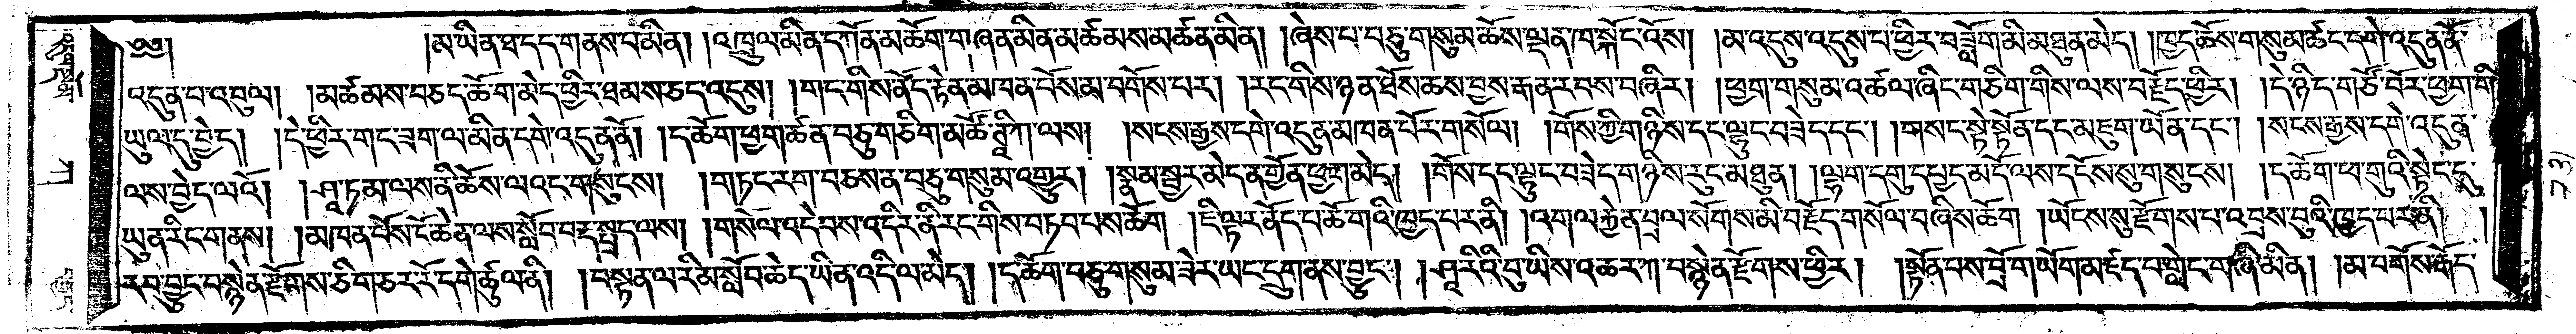༄༅། །མ་ཡིན་ཐ་དད་གནས་པ་མིན། །འཁྲུལ་མིན་དཀོན་མཆོག་གཞན་མིན་མཚམས་མཚན་མིན། །ཞེས་པ་བཅུ་གསུམ་ཆོས་ལྡན་ཁ་སྐོང་འོས། །མ་འདུས་འདུས་པ་ཕྱིར་བཟློག་མི་མཐུན་མེད། །ཁྱད་ཆོས་གསུམ་ཚང་དགེ་འདུན་ནོ་
འདུན་པ་འབུལ། །མཚམས་བཅད་ཆོ་ག་མེད་ཕྱིར་ཐམས་ཅད་འདུས། །གང་གིས་ནོད་རྟེན་མཁན་པོས་མ་བགོས་པར། །རང་གིས་ཉན་ཐོས་ཆས་བྱས་རྒན་རབས་བཞིར། །ཕྱག་གསུམ་འཚལ་ཞིང་གཅིག་གིས་ལས་བརྗོད་ཕྱིར། །དེ་ཉིད་གཙོ་བོར་ཕྱག་གི་
ཡུལ་དུ་བྱེད། །དེ་ཕྱིར་གང་ཟག་ལ་མིན་དགེ་འདུན་ནོ། །ད་ཆོག་ཕྱག་ཚན་བཅུ་གཅིག་མཚོ་ཊཱིཀ་ལས། །སངས་རྒྱས་དགེ་འདུན་མཁན་པོར་གསོལ། །གོས་ཀྱི་གཉིས་དང་ལྷུང་བཟེད་དང་། །གསང་སྟེ་སྟོན་དང་མཇུག་ཡོན་དང་། །སངས་རྒྱས་དགེ་འདུན་
ལས་བྱེད་ལའོ། །ཤཱ་ཏ་མ་ལས་ནི་ཆོས་ལའང་གསུངས། །གཏང་རག་བཅས་ན་བཅུ་གསུམ་འགྱུར། །སྣམ་སྦྱར་མེད་ན་གྱོན་ཕྱག་མེད། །གོས་དང་ལྷུང་བཟེད་གཉིས་རུང་མཐུན། །ལྷག་དགུ་དཔྱད་མདོ་ལས་དངོས་སུ་གསུངས། །ད་ཆོག་ཕ་གུའི་སྟེང་དུ་
ཡུན་རིང་གནས། །མཁན་པོས་ངོ་ཆེན་ལས་སློབ་བརྡ་སྤྲད་ལས། །གསོལ་འདེབས་འདིར་ནི་རང་གིས་བཏབ་པས་ཆོག །ཇི་ལྟར་ནོད་པ་ཆོ་གའི་ཁྱད་པར་ནི། །འགལ་རྐྱེན་བྲལ་སོགས་མི་བརྗོད་གསོལ་བཞིས་ཆོག །ཡོངས་སུ་རྫོགས་པ་འབྲས་བུའི་ཁྱད་པར་ནི། །
རབ་བྱུང་བསྙེན་རྫོགས་ཅིག་ཅར་རོ་དགེ་ཚུལ་ནི། །བསྟན་ལ་རིམ་སློབ་ཆེད་ཡིན་འདི་ལ་མེད། །ད་ཆོག་བཅུ་གསུམ་ཟེར་ཡང་དྲུག་ནས་བྱུང་། །ཤཱ་རིའི་བུ་ཡིས་འཆར་ཀ་བསྙེན་རྫོགས་ཕྱིར། །སྟོན་པས་བྲོ་གཡོག་མཛད་བ་གླེང་གཞི་མིན། །མ་བགོས་རྒོད་